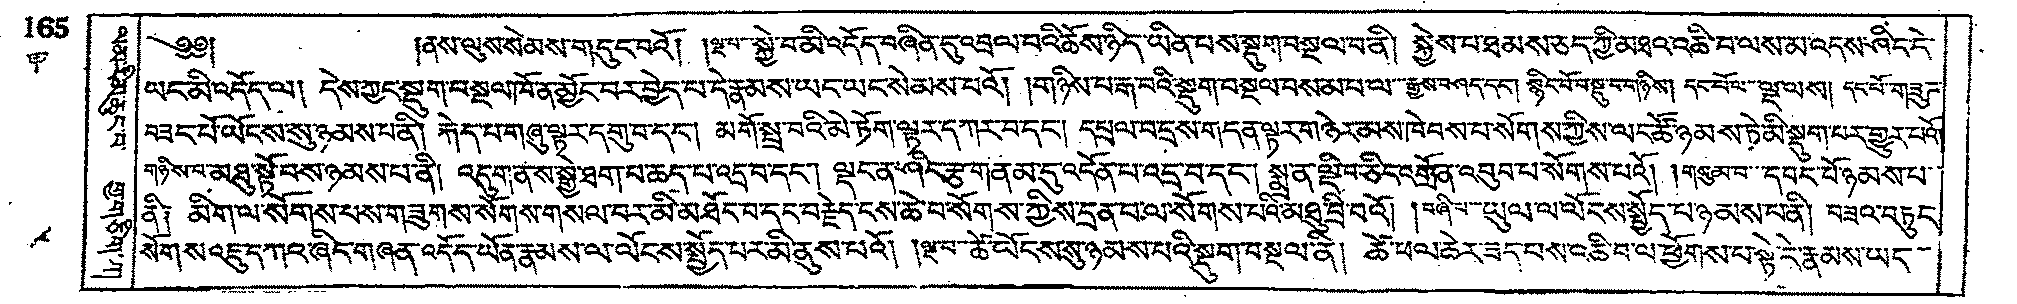༄༅། །ནས་ལུས་སེམས་གདུང་བའོ། །ལྔ་པསྐྱེ་བ་མི་འདོད་བཞིན་དུ་འབྲལ་བའི་ཆོས་ཉིད་ཡིན་པས་སྡུག་བསྔལ་བ་ནི། སྐྱེས་པ་ཐམས་ཅད་ཀྱི་མཐའ་འཆི་བ་ལས་མ་འདས་ཤིང་དེ་
ཡང་མི་འདོད་ལ། དེས་ཀྱང་སྡུག་བསྔལ་ཁོ་ན་མྱོང་བར་བྱེད་པ་དེ་རྣམས་ཡང་ཡང་སེམས་པའོ། །གཉིས་པ་རྒ་བའི་སྡུག་བསྔལ་བསམ་པ་ལརྒྱས་བཤད་དང་། སྙིང་པོ་བསྡུ་བ་གཉིས། དང་པོ་ལལྔ་ལས། དང་པོ་གཟུཌ་
བཟང་པོ་ཡོངས་སུ་ཉམས་པ་ནི། རྐེད་པ་གཞུ་ལྟར་དགུ་བ་དང་། མགོ་སྤྲ་བའི་མེ་ཏོག་ལྟར་དཀར་བ་དང་། དཔྲལ་བ་དྲས་གདན་ལྟར་གཉེར་མས་ཁེབས་པ་སོགས་ཀྱིས་ལང་ཚོ་ཉམས་ཏེ་མི་སྡུག་པར་གྱུར་པའོ།
གཉིས་པམཐུ་སྟོབས་ཉམས་པ་ནི། འདུག་ན་ས་སྒྱེ་ཐག་པ་ཆད་པ་འདྲ་བ་དང་། ལྡང་ན་ཤིང་རྩ་གནམ་དུ་འདོན་པ་འདྲ་བ་དང་། སྨྲ་ན་ལྡི་བ་ཅིང་འགྲོན་འབུབ་པ་སོགས་པའོ། །གསུམ་པདབང་པོ་ཉམས་པ་
ནི༑ མིག་ལ་སོགས་པས་གཟུགས་སོགས་གསལ་བར་མི་མཐོང་བ་དང་བརྗེད་ངས་ཆེ་བ་སོགས་ཀྱིས་དྲན་པ་ལ་སོགས་པའི་མཐུ་བྲི་བའོ། །བཞི་པཡུལ་ལ་ལོངས་སྤྱོད་པ་ཉམས་པ་ནི། བཟའ་བཏུང་
སོགས་འཇུ་དཀའ་ཞིང་གཞན་འདོད་ཡོན་རྣམས་ལ་ལོངས་སྤྱོད་པར་མི་ནུས་པའོ། །ལྔ་པཚེ་ཡོངས་སུ་ཉམས་པའི་སྡུག་བསྔལ་ནི། ཚེ་ཕལ་ཆེར་ཟད་པས་འཆི་བ་ལ་ཕྱོགས་པ་སྟེ་དེ་རྣམས་ཡང་